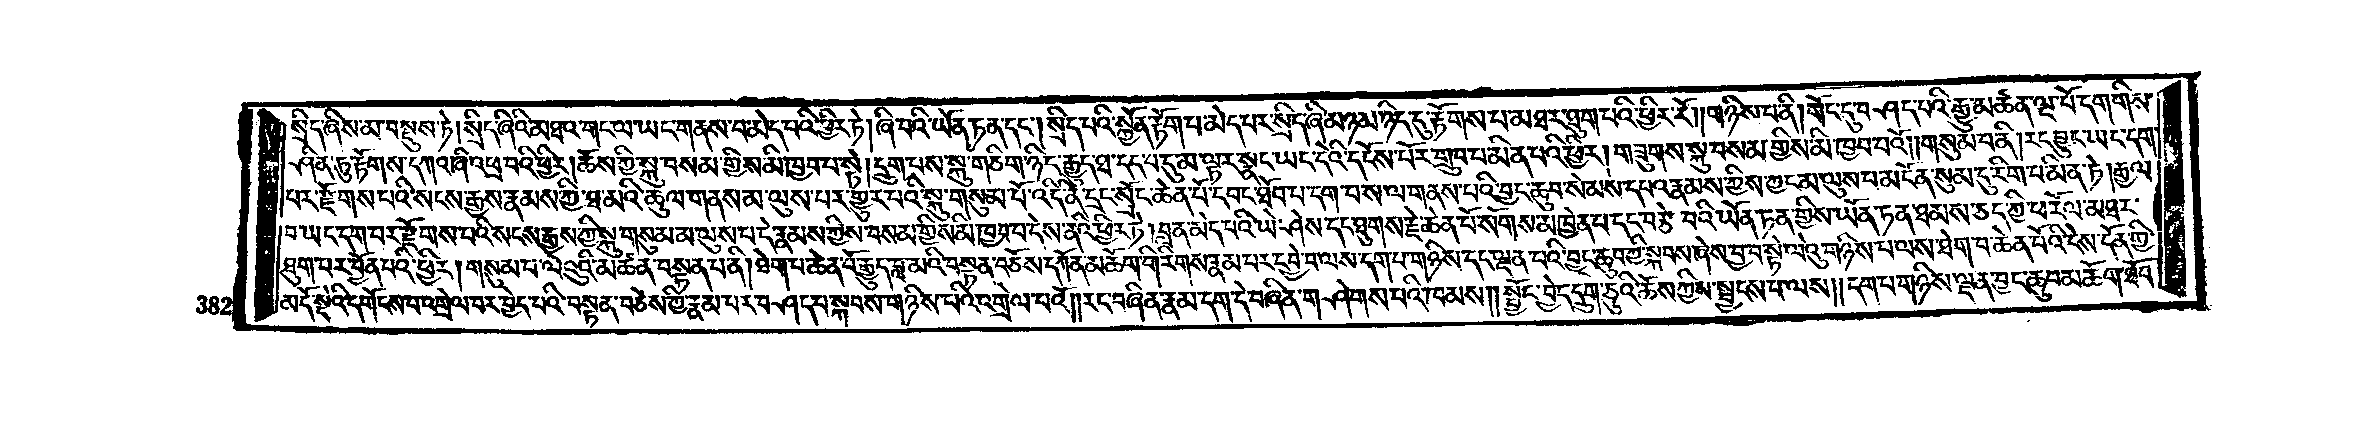སྲིད་ཞིས་མ་བསྡུས་ཏེ། སྲིད་ཞིའི་མཐའ་གང་ལ་ཡང་གནས་པ་མེད་པའི་ཕྱིར་ཏེ། ཞི་བའི་ཡོན་ཏན་དང་། སྲིད་པའི་སྐྱོན་རྟོག་པ་མེད་པར་སྲིད་ཞི་མཉམ་ཉིད་དུ་རྟོགས་པ་མཐར་ཐུག་པའི་ཕྱིར་རོ། །གཉིས་པ་ནི། གོང་དུ་བཤད་པའི་རྒྱུ་མཚན་ལྔ་པོ་དག་གིས་
ཤིན་ཏུ་རྟོགས་དཀའ་ཞི་འཕྲ་བའི་ཕྱིར། ཆོས་ཀྱི་སྐུ་བསམ་གྱིས་མི་ཁྱབ་པ་སྟེ། དྲུག་པས་སྐུ་གཅིག་ཉིད་རྒྱུད་ཐ་དད་པ་དད་པ་དུ་མ་ལྟར་སྣང་ཡང་དེའི་དངོས་པོར་གྲུབ་པ་མིན་པའི་ཕྱིར། གཟུགས་སྐུ་བསམ་གྱིས་མི་ཁྱབ་པའོ། །གསུམ་པ་ནི། རང་བྱུང་ཡང་དག་
པར་རྫོགས་པའི་སངས་རྒྱས་རྣམས་ཀྱི་ཐ་མའི་ཚུལ་གནས་མ་ལུས་པར་གྱུར་པའི་སྐུ་གསུམ་པོ་འདི་ནི་དྲང་སྲོང་ཆེན་པོ་དབང་ཐོབ་པ་དག་པས་ལ་གནས་པའི་བྱང་ཆུབ་སེམས་དཔའ་རྣམས་ཀྱིས་ཀྱང་མ་ལུས་པ་མངོན་སུམ་དུ་རིག་པ་མིན་ཏེ། རྒྱལ་
བ་ཡང་དག་པར་རྫོགས་པའི་སངས་རྒྱས་ཀྱི་སྐུ་གསུམ་མ་ལུས་པ་དེ་རྣམས་ཀྱིས་བསམ་གྱིས་མི་ཁྱབ་པ་དེས་ནའི་ཕྱིར་ཏེ། བླ་ན་མེད་པའི་ཡེ་ཤེས་དང་ཐུགས་རྗེ་ཆེན་པོ་སོགས་མཁྱེན་པ་དང་བརྩེ་བའི་ཡོན་ཏན་གྱིས་ཡོན་ཏན་ཐམས་ཅད་ཀྱི་ཕ་རོལ་མཐར་
ཐུག་པར་བྱོན་པའི་ཕྱིར། གསུམ་པ་ལེའུའི་མཚན་བསྟན་པ་ནི། ཐེག་པ་ཆེན་པོ་རྒྱུད་བླ་མའི་བསྟན་བཅོས་དཀོན་མཆོག་གི་རིགས་རྣམ་པར་དབྱེ་བ་ལས་དག་པ་གཉིས་དང་ལྡན་པའི་བྱང་ཆུབ་ཀྱི་སྐབས་ཞེས་བྱ་བ་སྟེ་ལེའུ་གཉིས་པ་ལས་ཐེག་པ་ཆེན་པོའི་ངེས་དོན་གྱི་
མདོ་སྡེའི་དགོངས་པ་འགྲེལ་པར་བྱེད་པའི་བསྟན་བཅོས་ཀྱི་རྣམ་པར་བཤད་པ་སྐབས་གཉིས་པའི་འགྲེལ་པའོ། །རང་བཞིན་རྣམ་དག་དེ་བཞིན་གཤེགས་པའི་ཁམས། །སྦྱོང་བྱེད་དྲུག་ཅུའི་ཆོས་ཀྱིས་སྦྱངས་པ་ལས། དག་པ་གཉིས་ལྡན་བྱང་ཆུབ་མཆོག་ཐོབ་